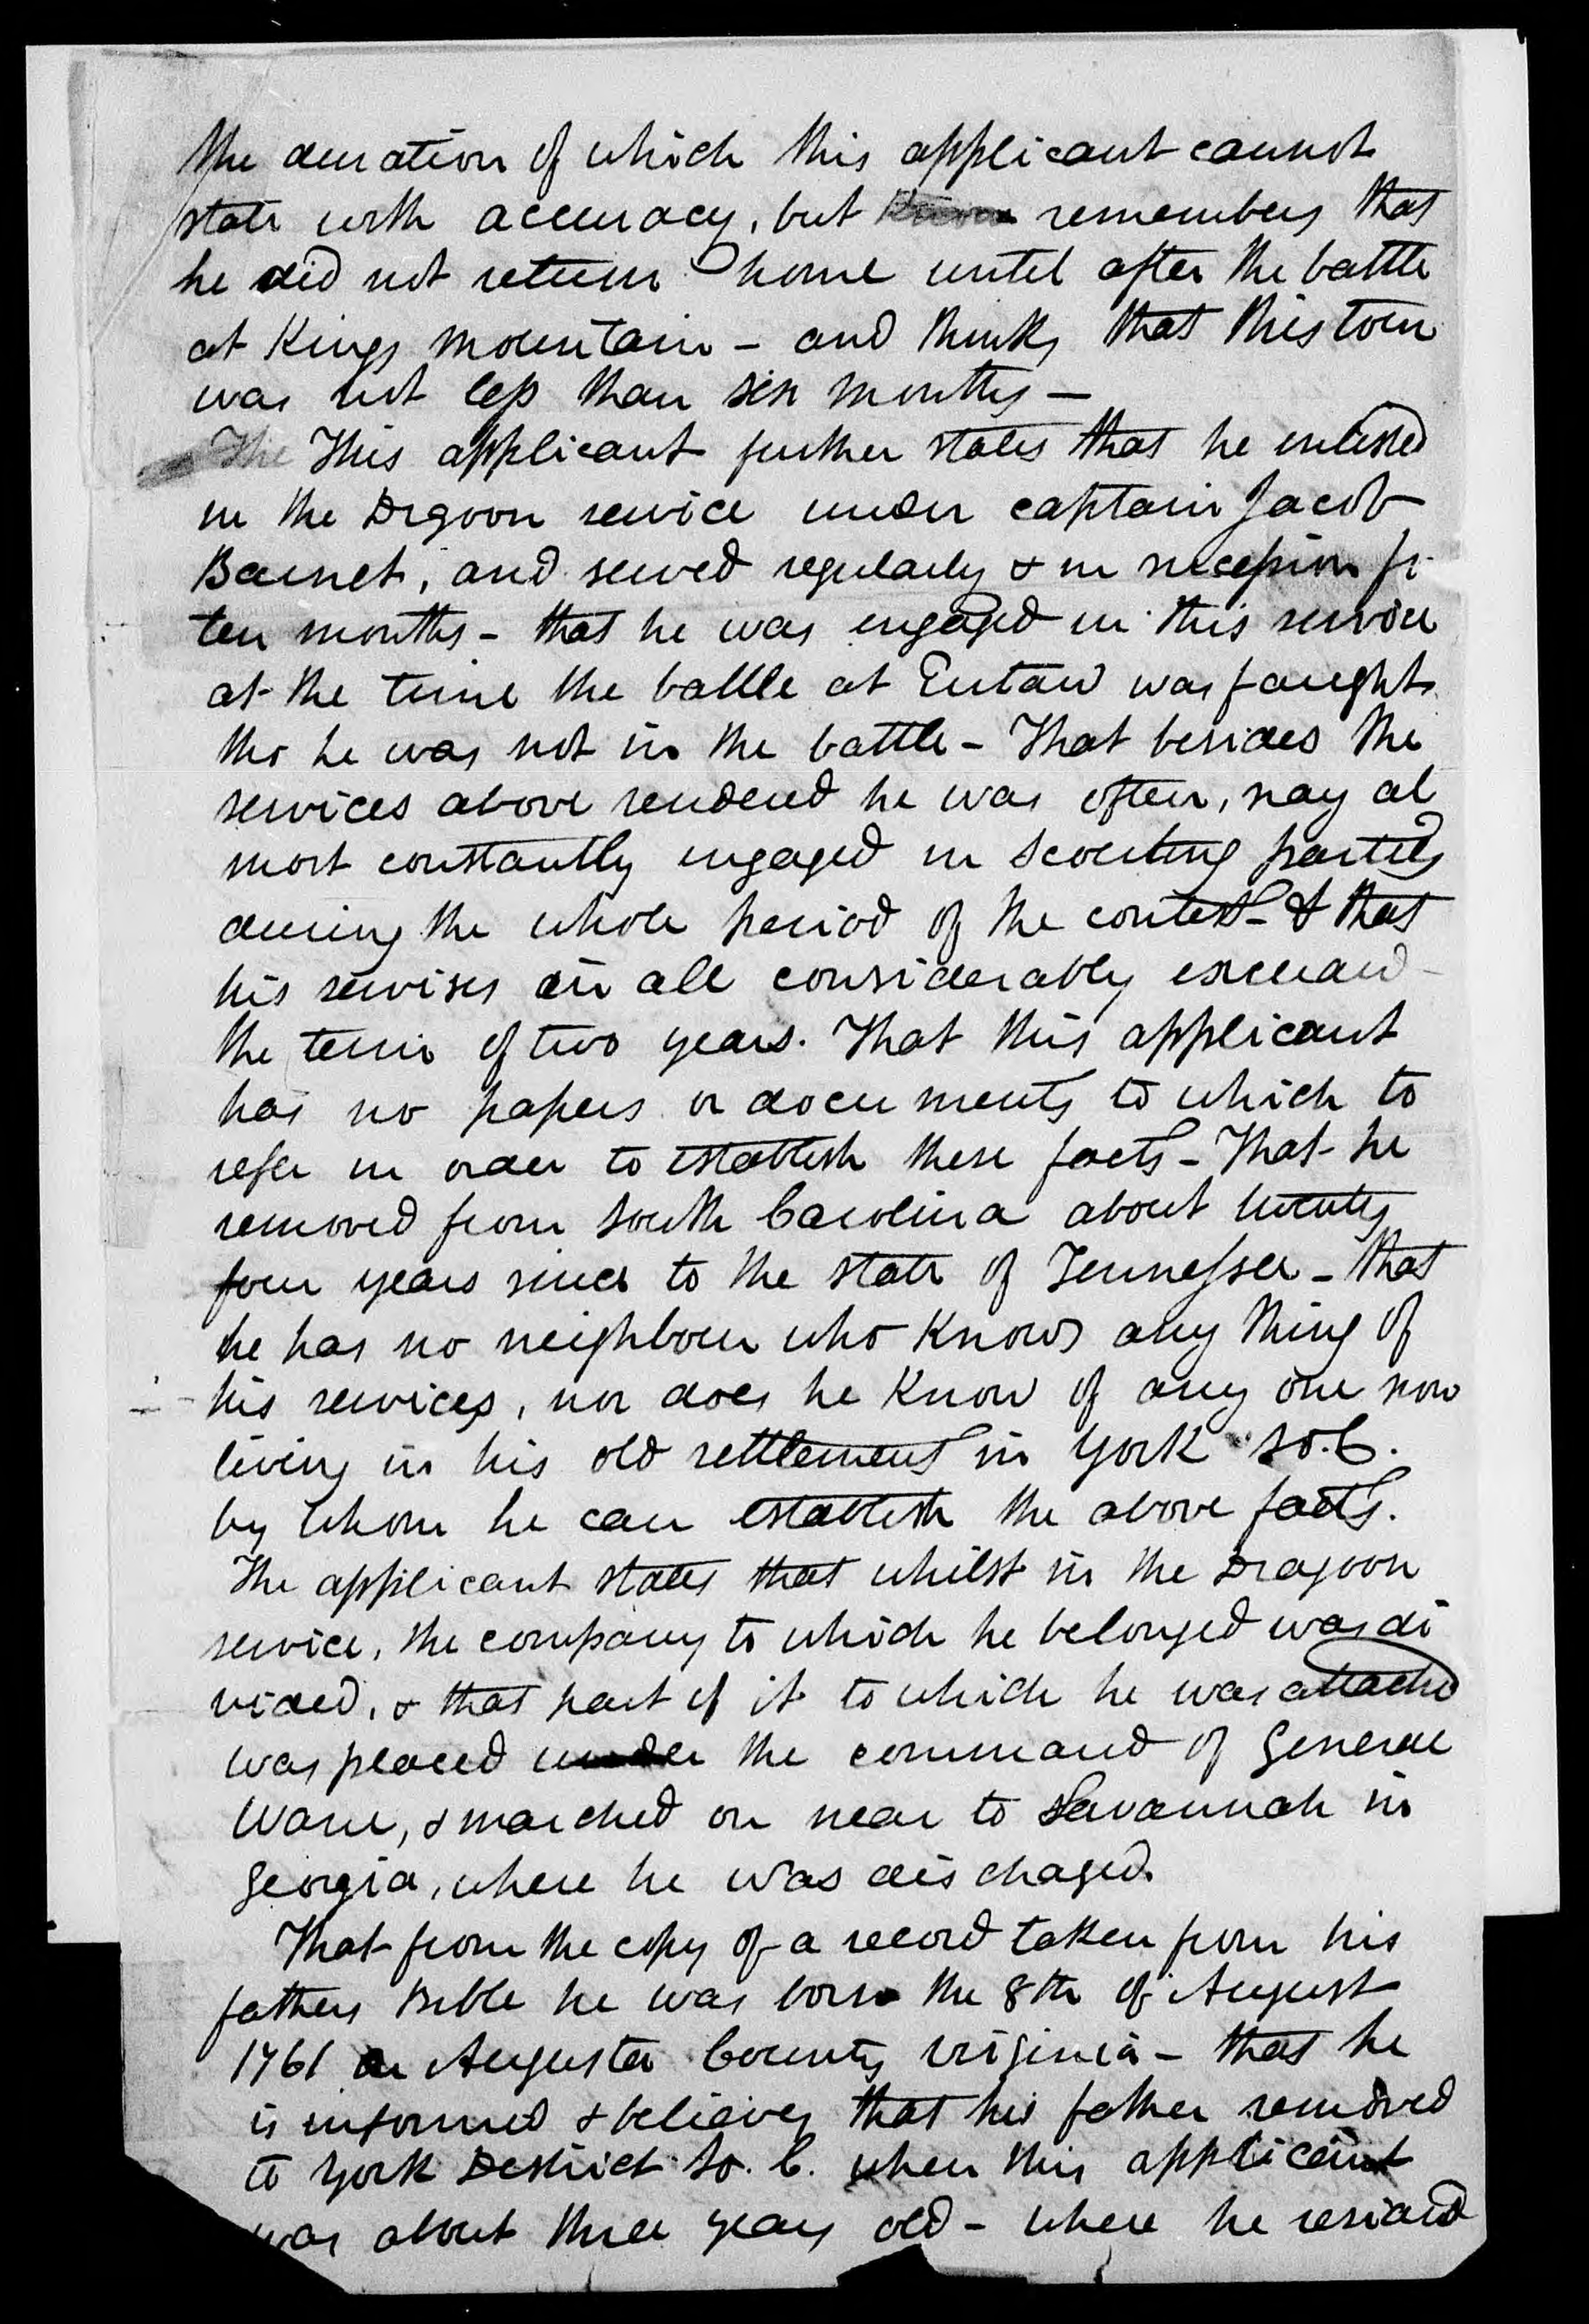the duration of which this applicant cannot state with accuracy but remembers that he did not return home until after the battle at Kings Mountain and thinks that this tour was not less than six months
This applicant further states that he enlisted in the Drgoon [Dragoon] service under captain Jacob Barnet and served regularly & in [illegible] for ten months that he was engaged in this service at the time the battle at Eutaw was fought tho [though] he was not in the battle That [illegible] the services above reudeced [reduced] he was often, nay almost constantly engaged in scouting party duty the whole period of the context & that his services in all considerably executed the term of two years That this applicant has no papers or documents to which to refer in order to establish these facts that he removed from South Carolina about twenty four years since to the state of Tennessee that he has no neighbour [neighbor who knows any thing of his services nor does he know of any one now living in his old settlements in York So C by whom he can establish the above facts The applicant states that whilst in the Dragoon service the company to which he belonged was divided & that part of it to which he was attached was placed under the command of General Wane [Wayne] & marched on near to Savannah in Georgia where he was discharged
That from the copy of a record taken from his fathers Bible he was born the 8th of August 1761 Augusta County Virginia that he is informed & believes that his father removed to York District So C when this applicant was about three years old where he remained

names: Jacob Barnet, Wane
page: 7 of 17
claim: survivor's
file: S 3397, Jacob Gillham, S.C.